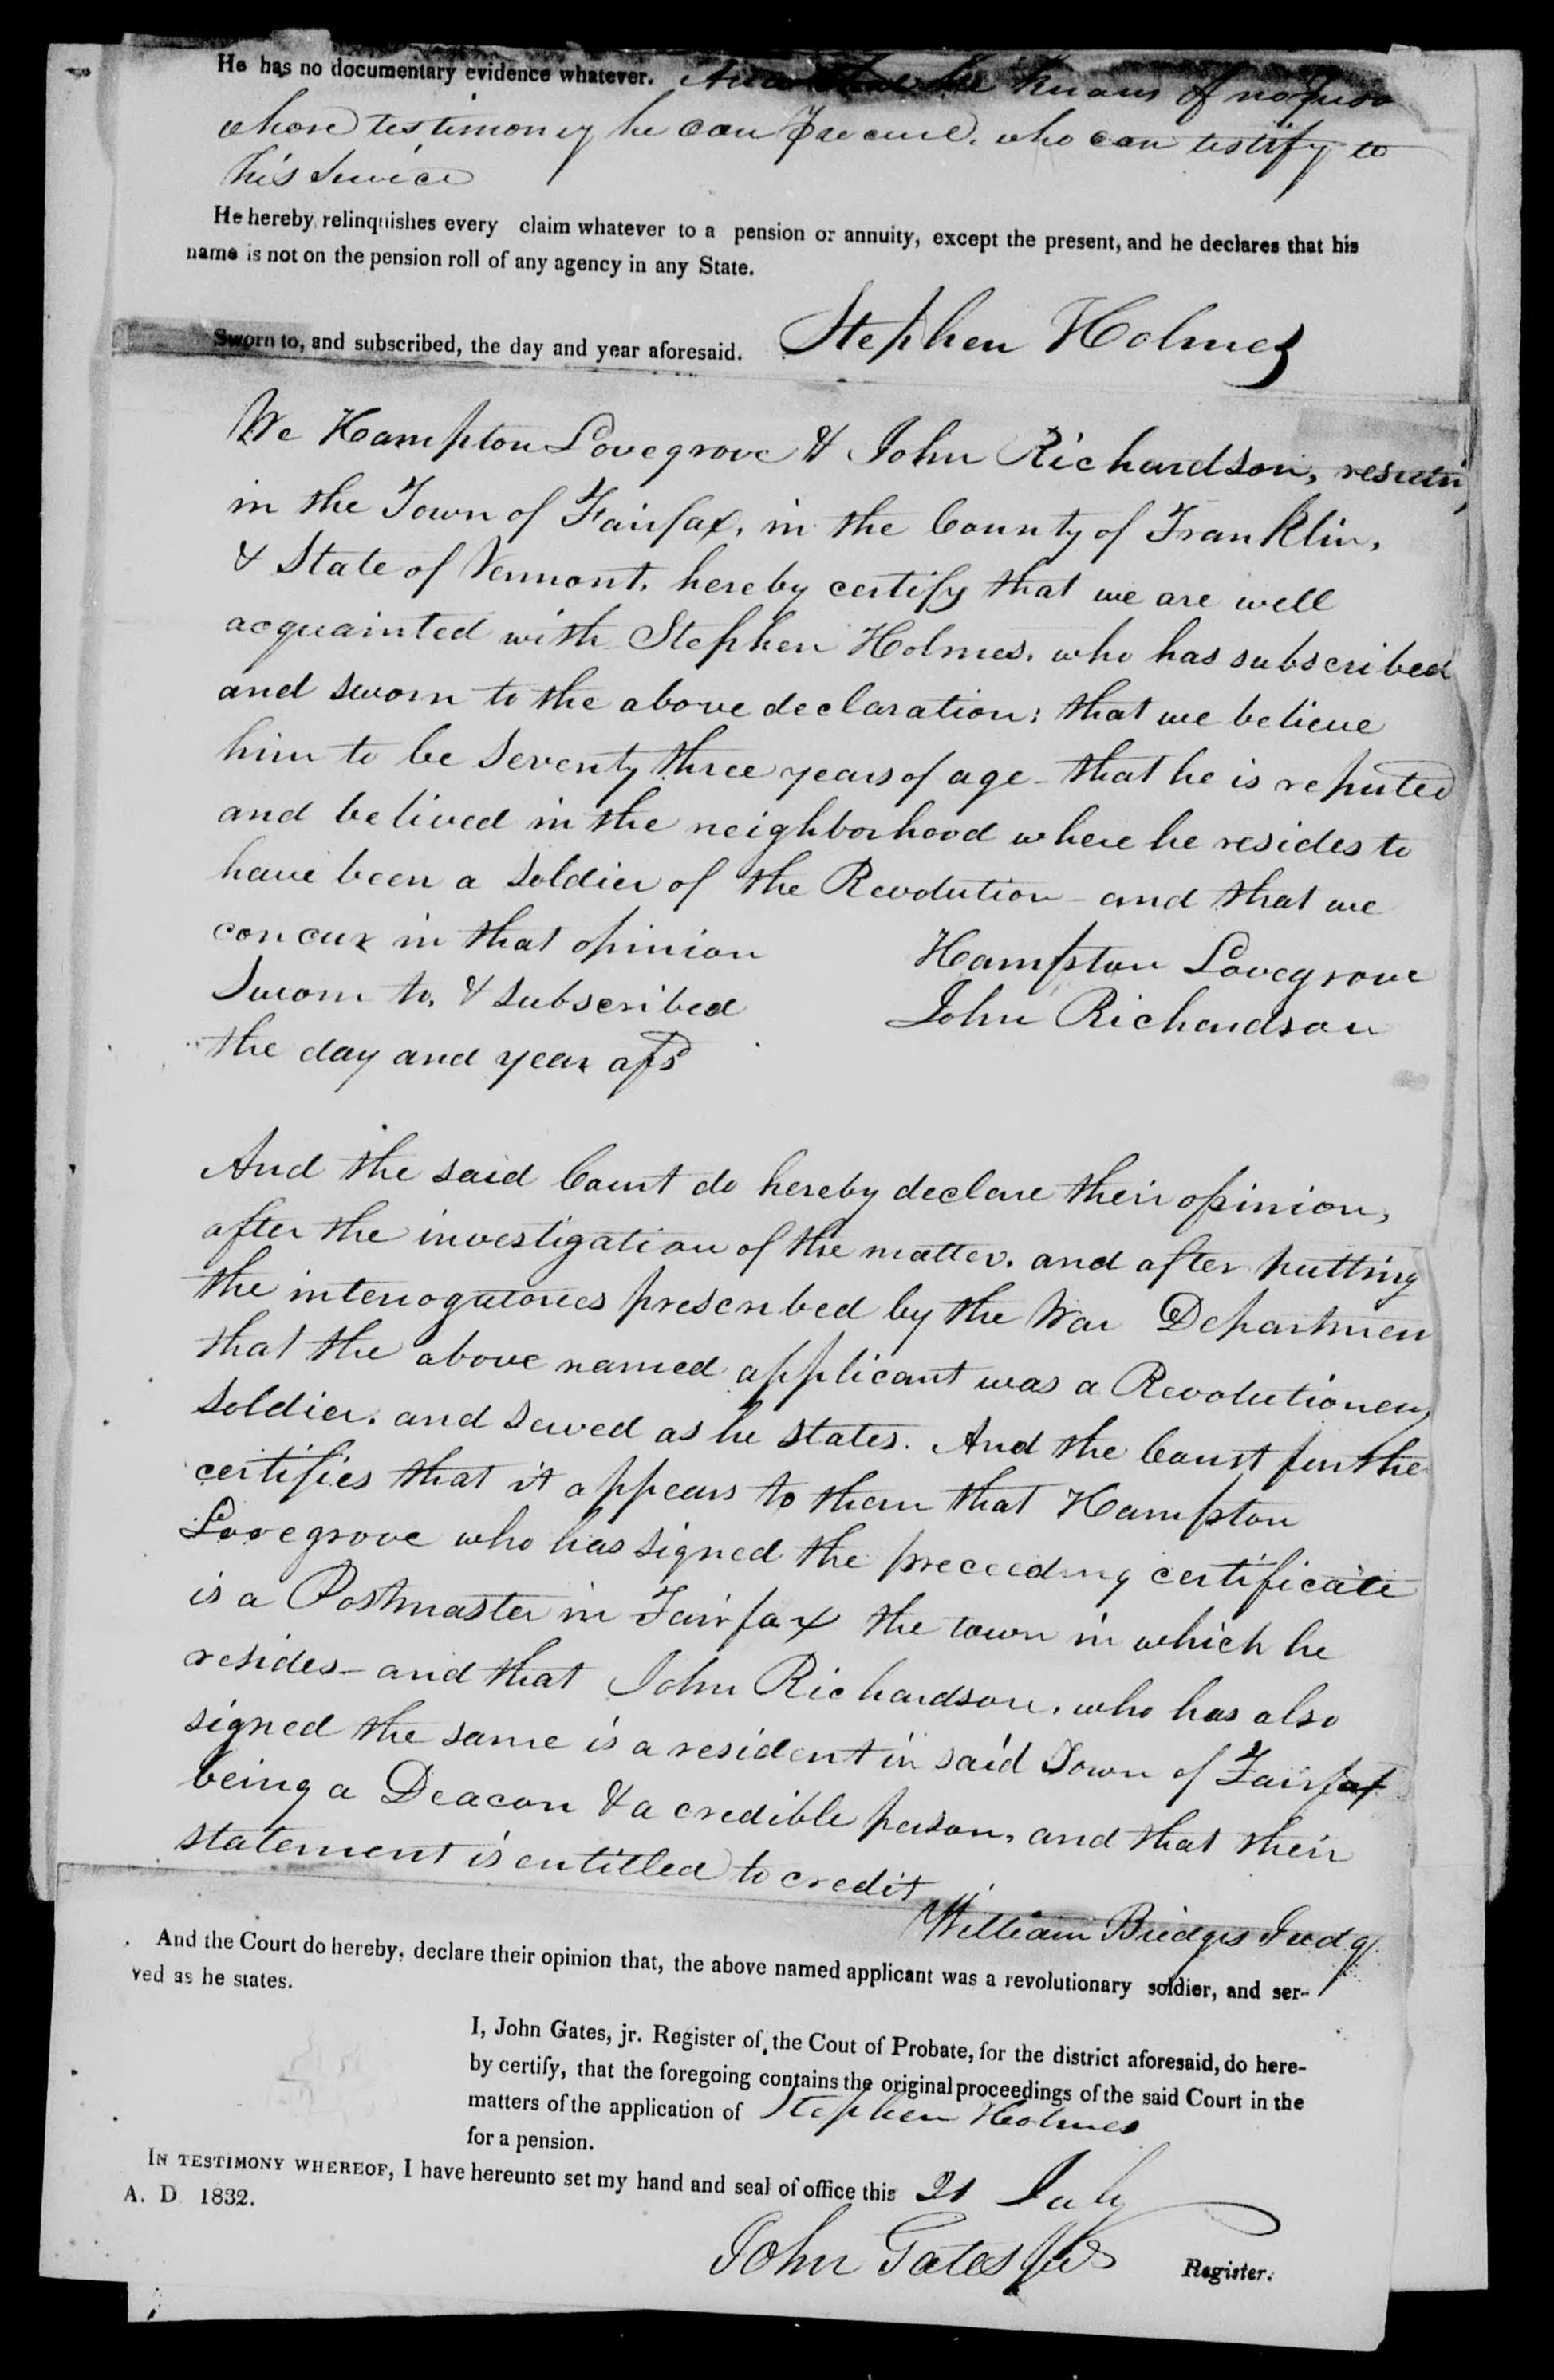He has no documentary evidence whatever. [illegible] he knows of no person whose testimony he can produce, who can testify to this service.

He hereby relinquishes every claim whatever to a pension or annuity, except the present, and he declares that his name is not on the pension roll of any agency in any State.

Sworn to, and subscribed, the day and year aforesaid, Stephen Holmes

We Hampton Lovegrove & John Richardson, residing in the Town of Fairfax, in the County of Franklin, & State of Vermont, hereby certify that we are well acquainted with Stephen Holmes, who has subscribed and sworn to the above declaration; that we believe him to be Seventy three years of age - that he is reputed and believed in the neighborhood where he resides to have been a solider of the Revolution and that we concur in that opinion

Sworn to & Subscribed the day and year afsd

Hampton Lovegrove
John Richardson

And the said Court do hereby declare their opinion, after the investigation of the matter, and after putting the interrogatories presented by the War Department that the above named applicant was a Revolutionary Soldier, and served as he states. And the Court further certifies that it appears to them that Hampton Lovegrove who has signed the preceeding certificate is a Postmaster in Fairfax the town in which he resides - and that John Richardson, who has also signed the same is a resident in Town of Fairfax being a Deacon & a credible person, and that their statement is entitled to credit.

William Bridges Judg

And the Court do hereby, declare their opinion that, the above named applicant was a revolutionary soldier, and served as he states.

I, John Gates, jr. Register of the Cout of Probate, for the district aforesaid, do hereby certify, that the foregoing contains the original proceedings of the said Court in the matters of the application of Stephen Holmes for a pension.

IN TESTIMONY WHEREOF, I have hereunto set my hand and seal of office this 21 July A. D. 1832

John Gates [illegible] Register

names: William Bridges, John Richardson, Stephen Holmes, Stephen Holmes, Hampton Lovegrove, John Richardson, Hampton Lovegrove, John Richardson, John Gates, Stephen Holmes, Hampton Lovegrove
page: 42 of 72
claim: widow's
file: W. 7771, Stephen Holmes, Vt.